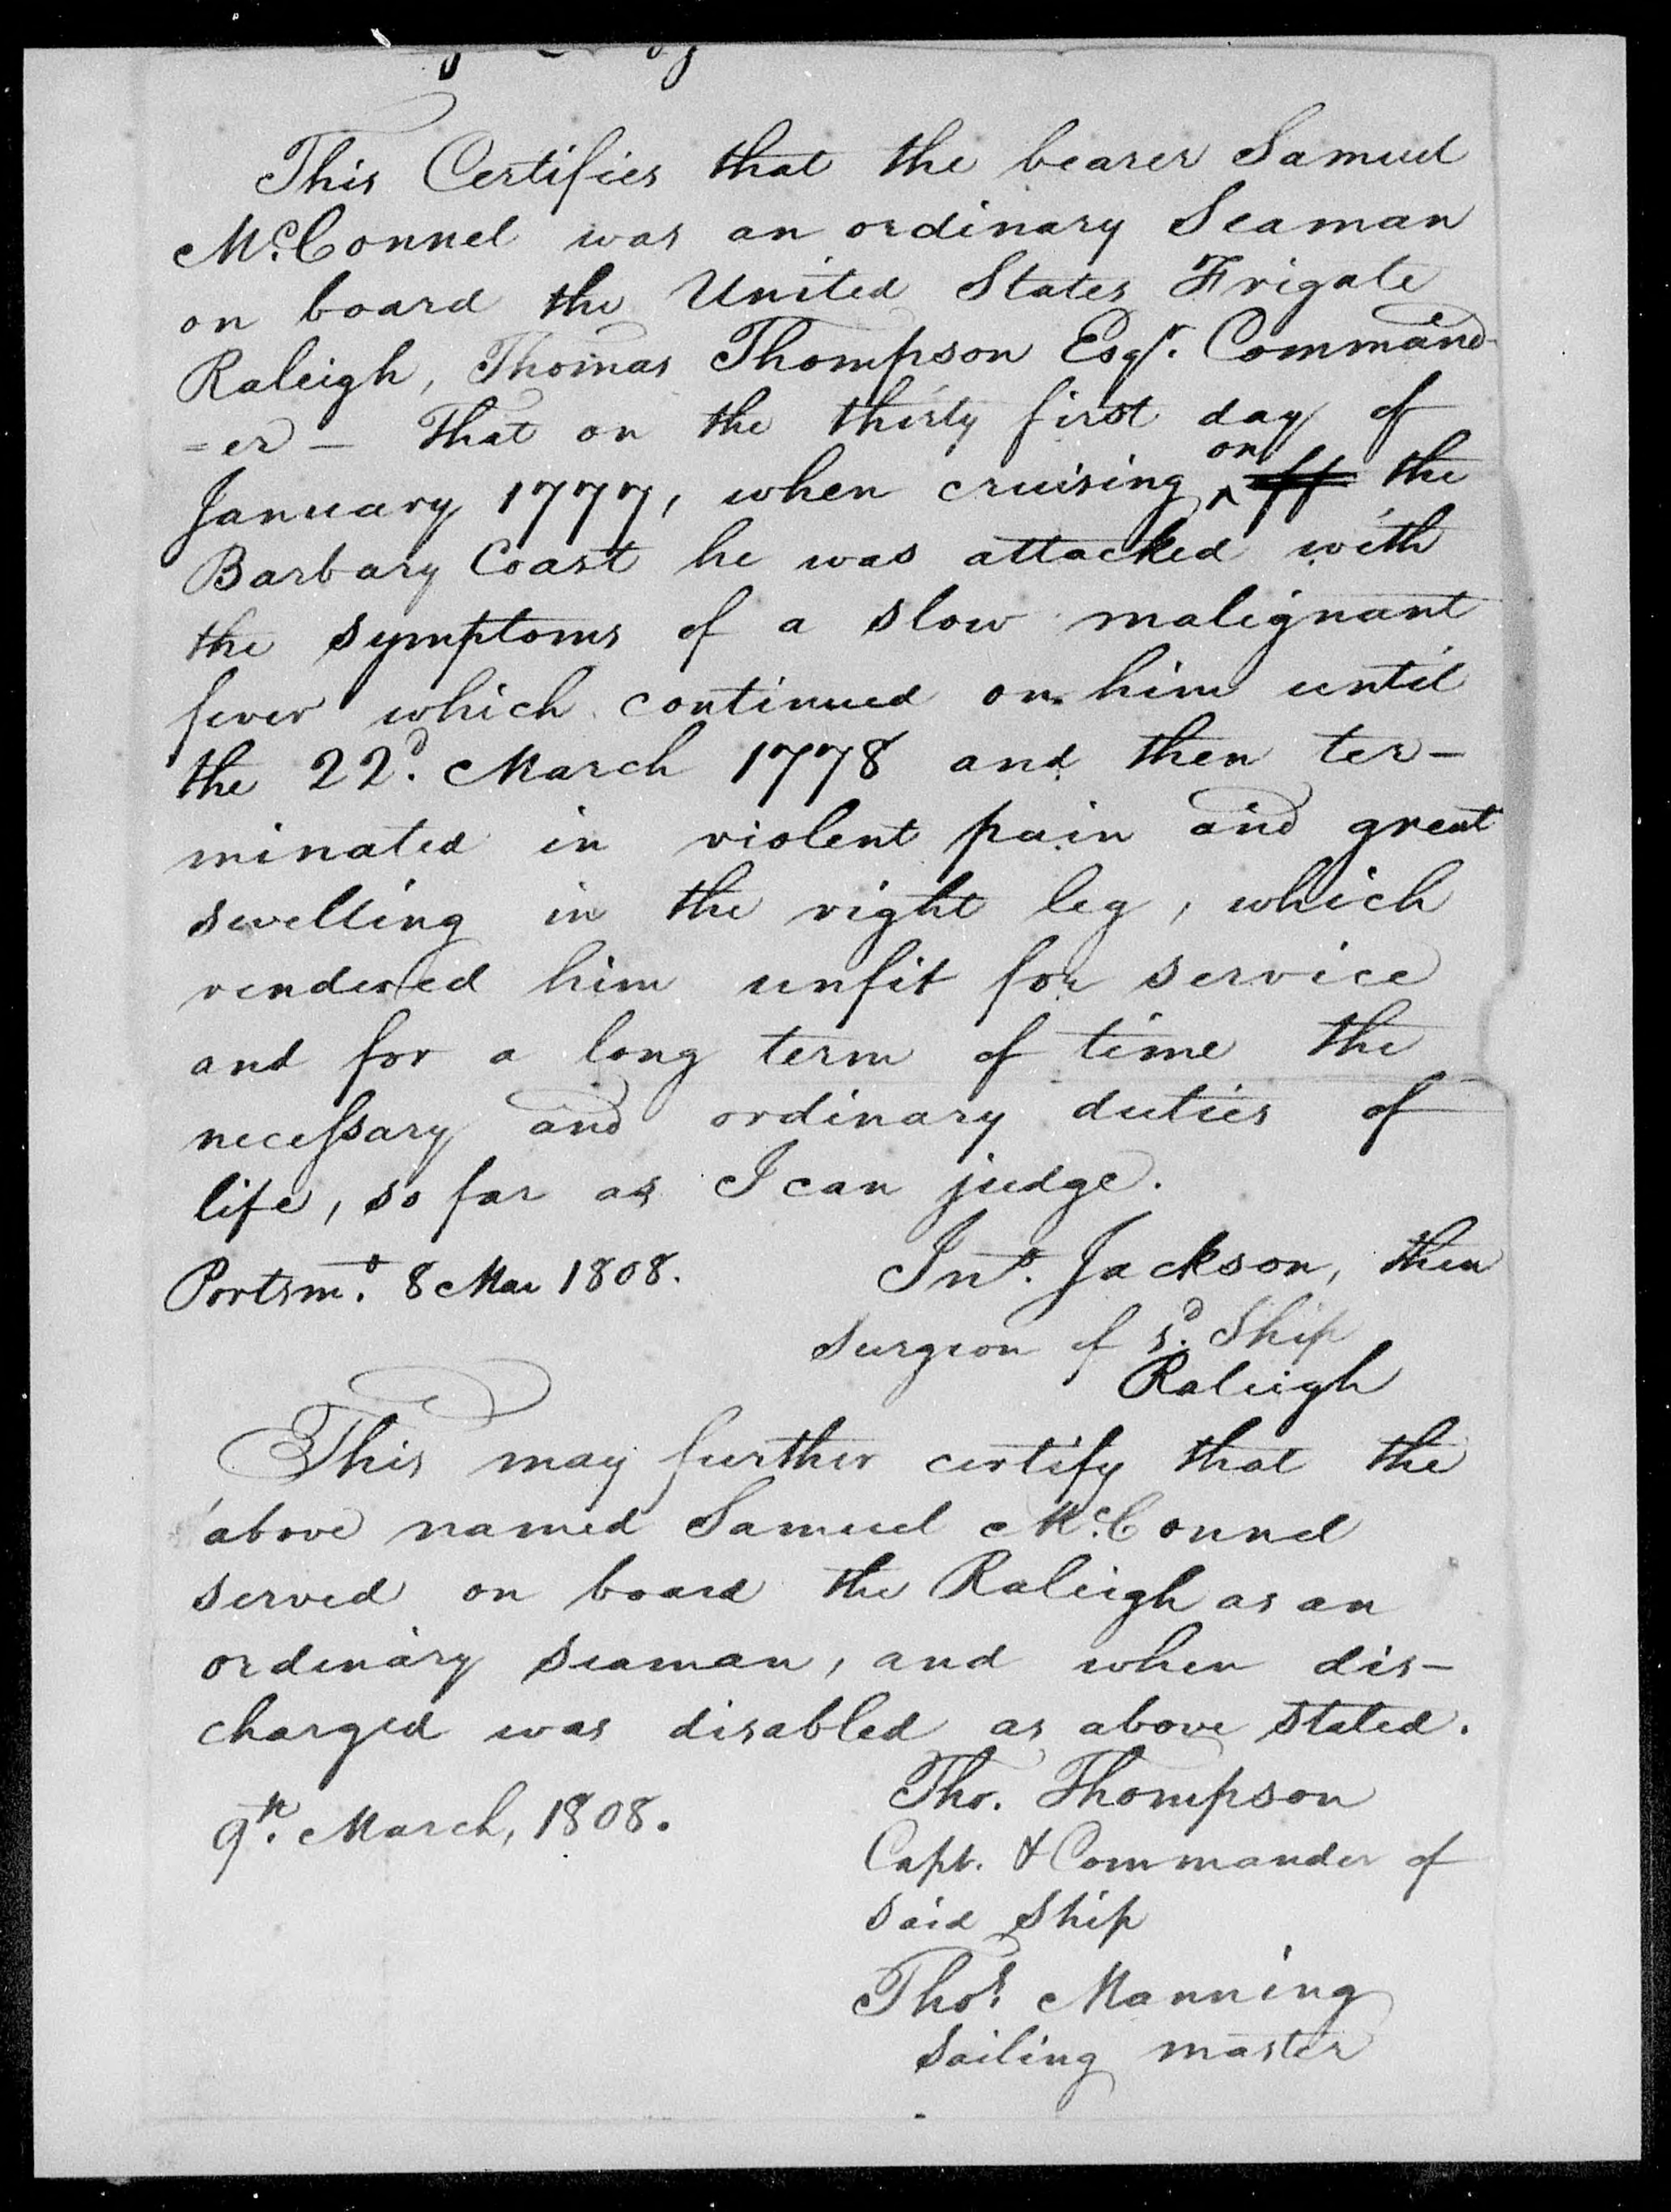This Certifies that the bearer Samuel McConnel was an ordinary Seaman on board the United States Frigate Raleigh, Thomas Thompson Esq'r Commander - That on the thirty first day of January 1777, when cruising on ['off' crossed out] the Barbary Coast he was attacked with the symptoms of a slow malignant fever which continue on him until the 22d March 1778 and then terminated in violent pain and great swelling in the right leg, which rendered him unfit for service and for a long term of time the necessary and ordinary duties of life, so far as I can judge.
Postm't 8 Mar 1808
/s/Jn'o Jackson, then Surgeon of s'd Ship Raleigh
This may further certify that the above named Samuel McConnel served on board the Raleigh as an ordinary seaman, and when discharged was disabled as above stated.
9th March, 1808.
/s/Tho. Thompson Capt. & Commander of said Ship
/s/Thos Manning Sailing master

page: 7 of 18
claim: survivor's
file: S. 41,827, for Samuel Mc Connel, Vermont